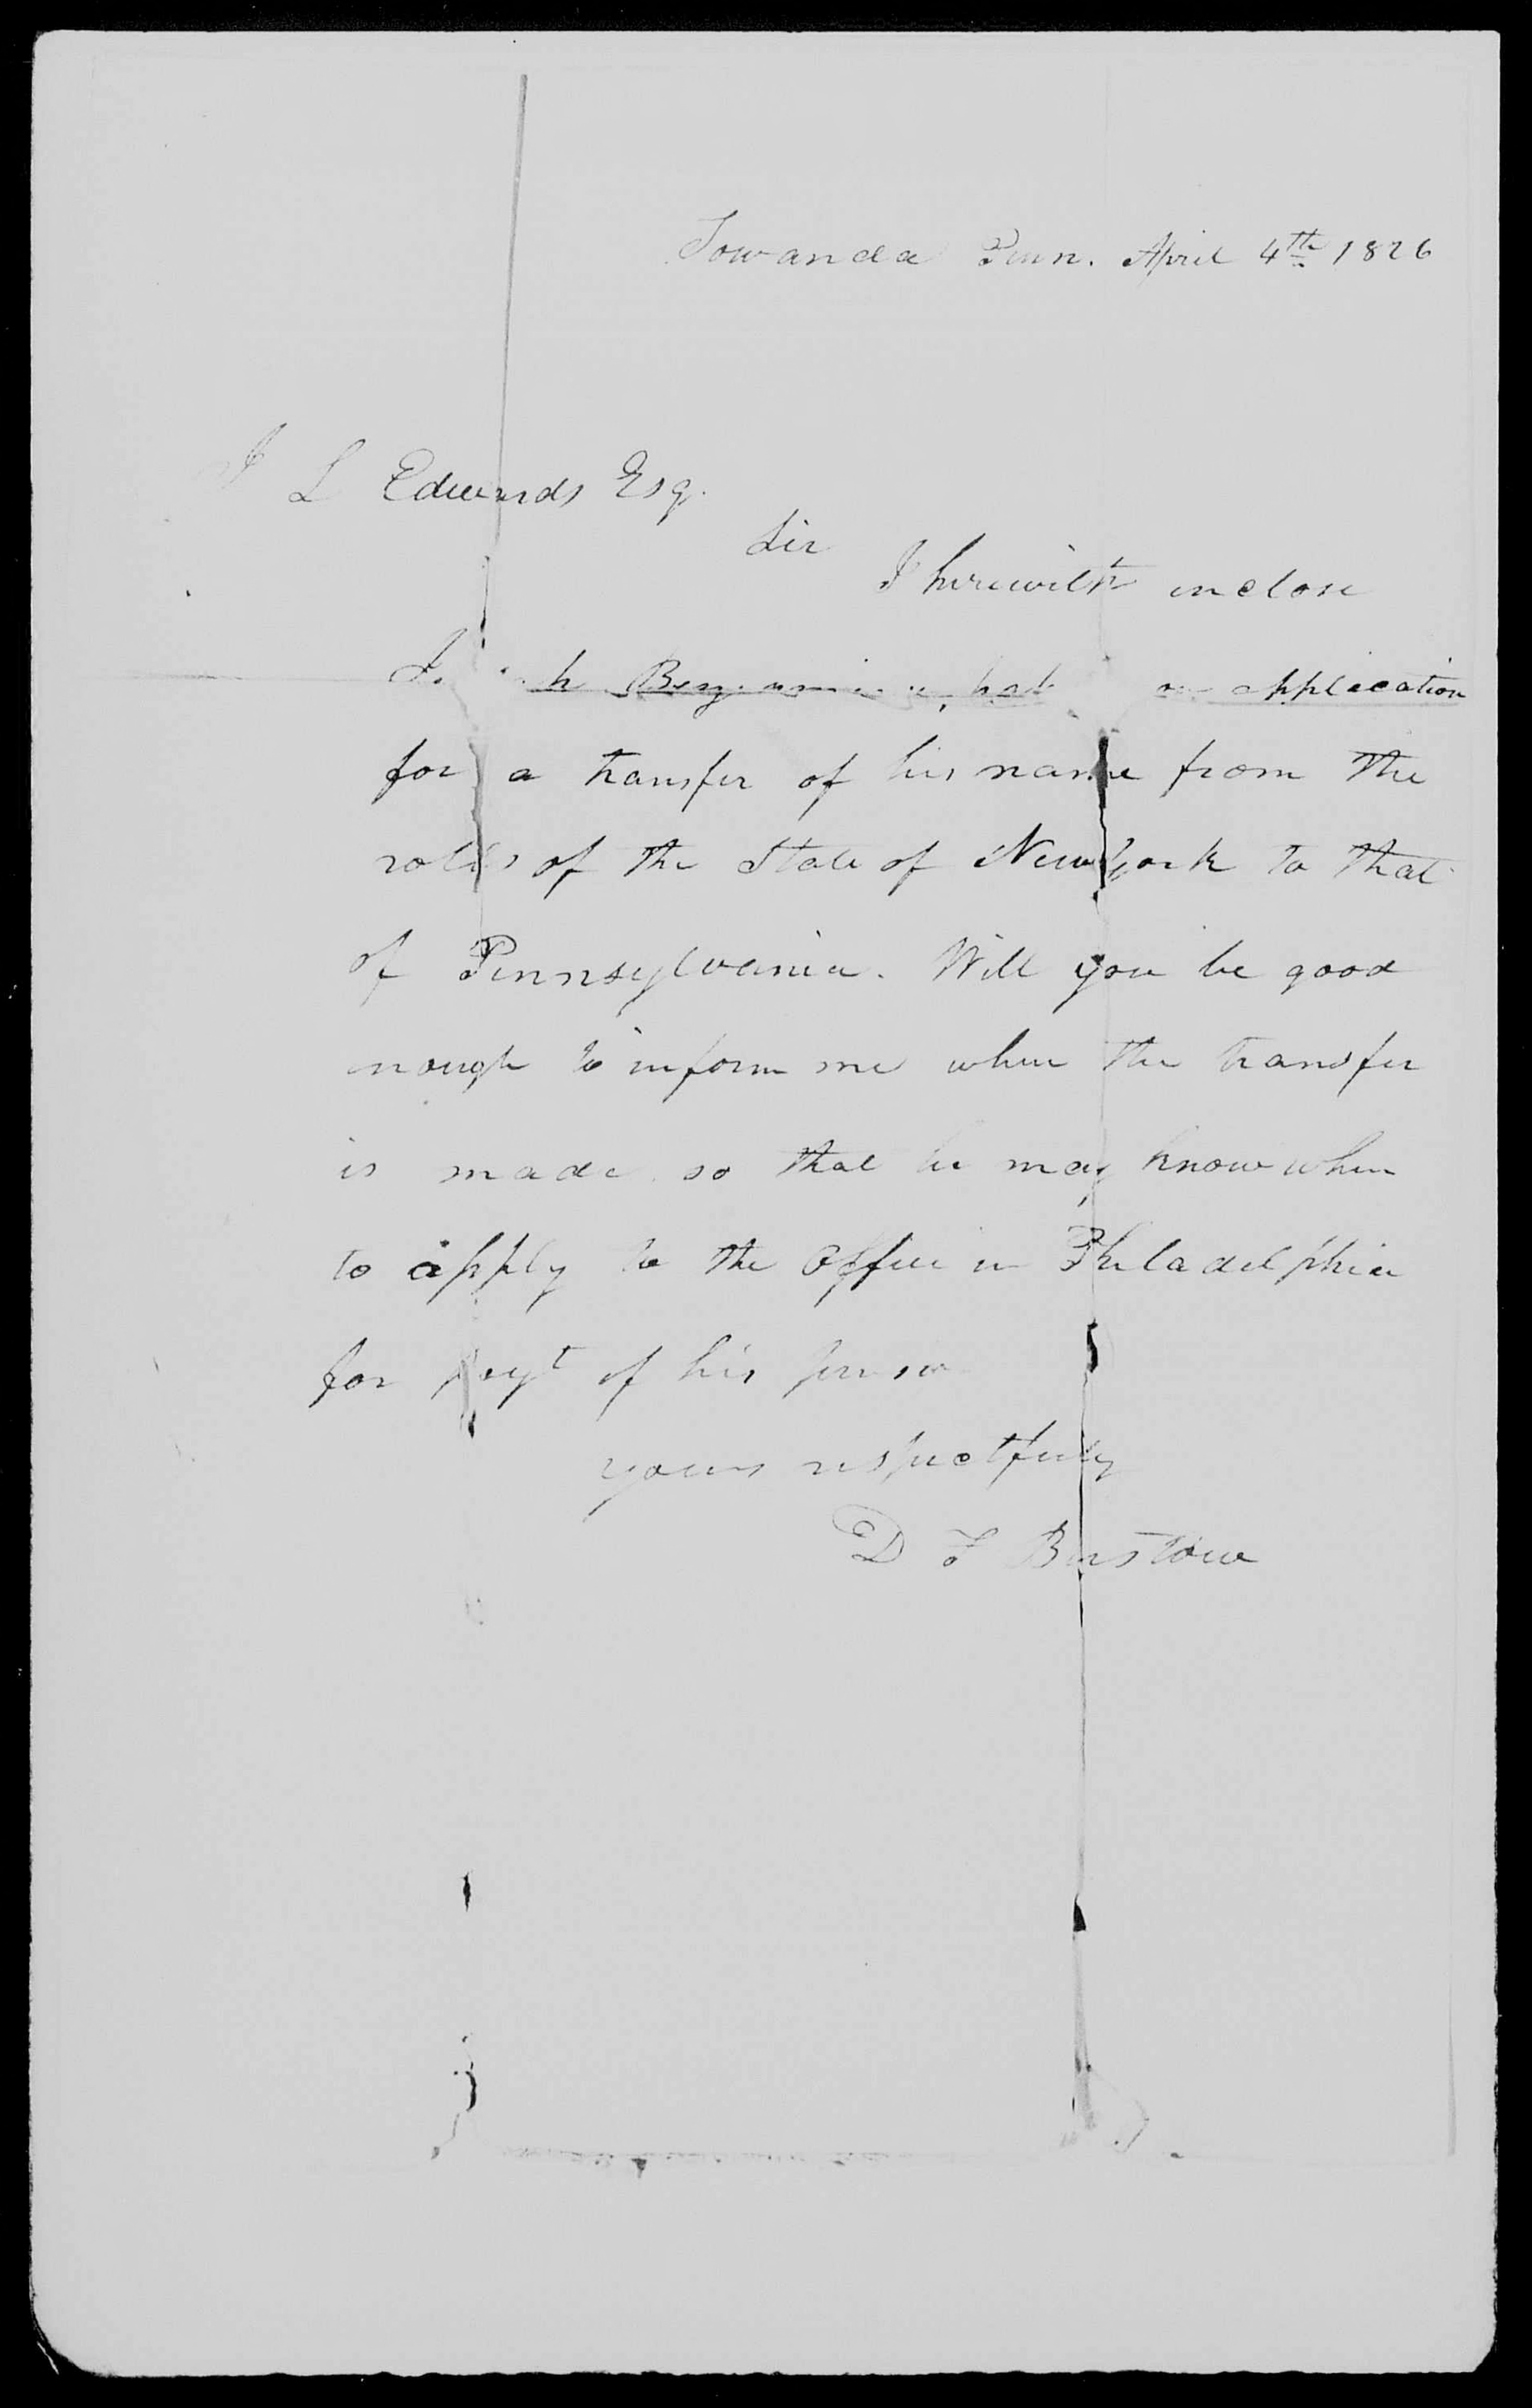Towanda Penn. April 4th 1826
J L Edwards Esq
Sir
I herewith enclose Judah Benjamin [illegible] application for a transfer of his name from the rolls of the State of New York to that of Pennsylvania.  Will you be good enough to inform me when the transfer is made so that he may know when to apply to the Office in Philadelphia for payt [payment] of his pension
Yours respectfully
[signed] D F Birstow [Bustow?]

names: Benjamin, D F Bustow, J L Edwards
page: 19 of 34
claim: survivor's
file: S. 39981, Judah Benjamin, Continental (N. H. And N. Y.)